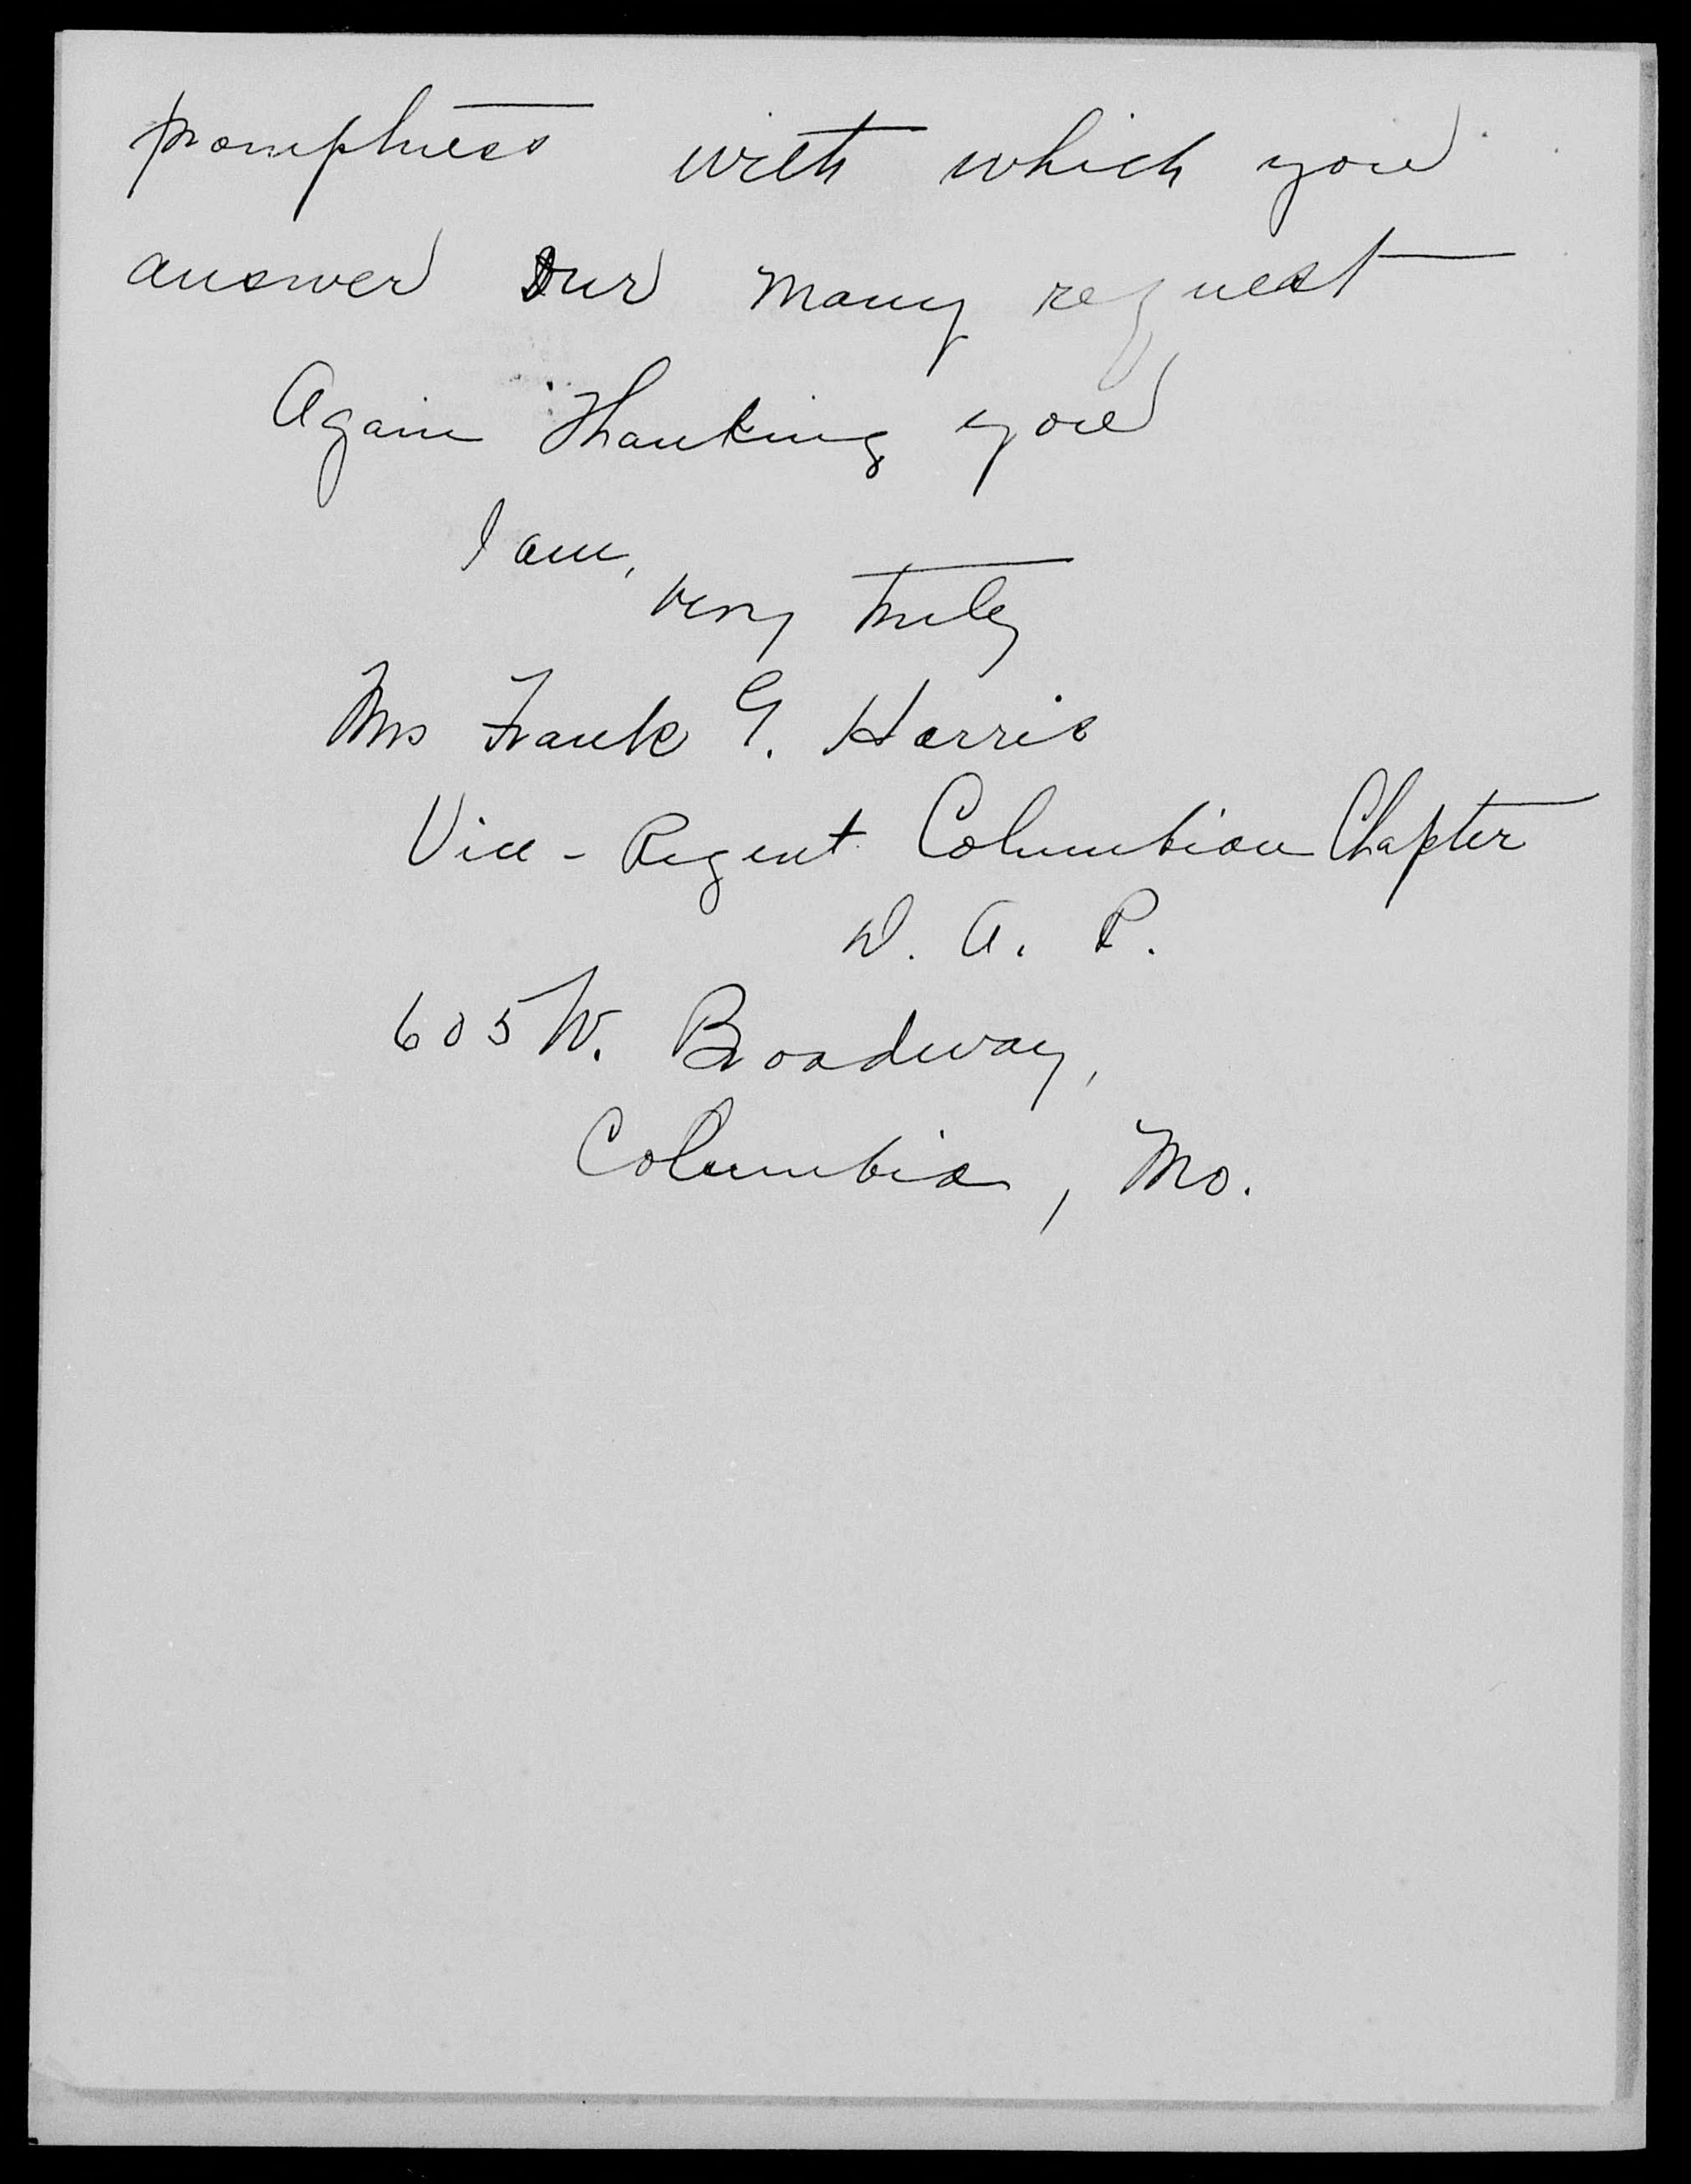Furnished with which you 
answered our many requests.

Again thanking you

I am, very truly,
Mrs. Frank G. Harris
Vice-Regent Columbian Chapter
D.A.R.
655 N. Broadway,
Columbia, Mo.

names: Frank G Harris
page: 26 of 45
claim: survivor's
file: S. 31294, for Matthew Patton, Maryland